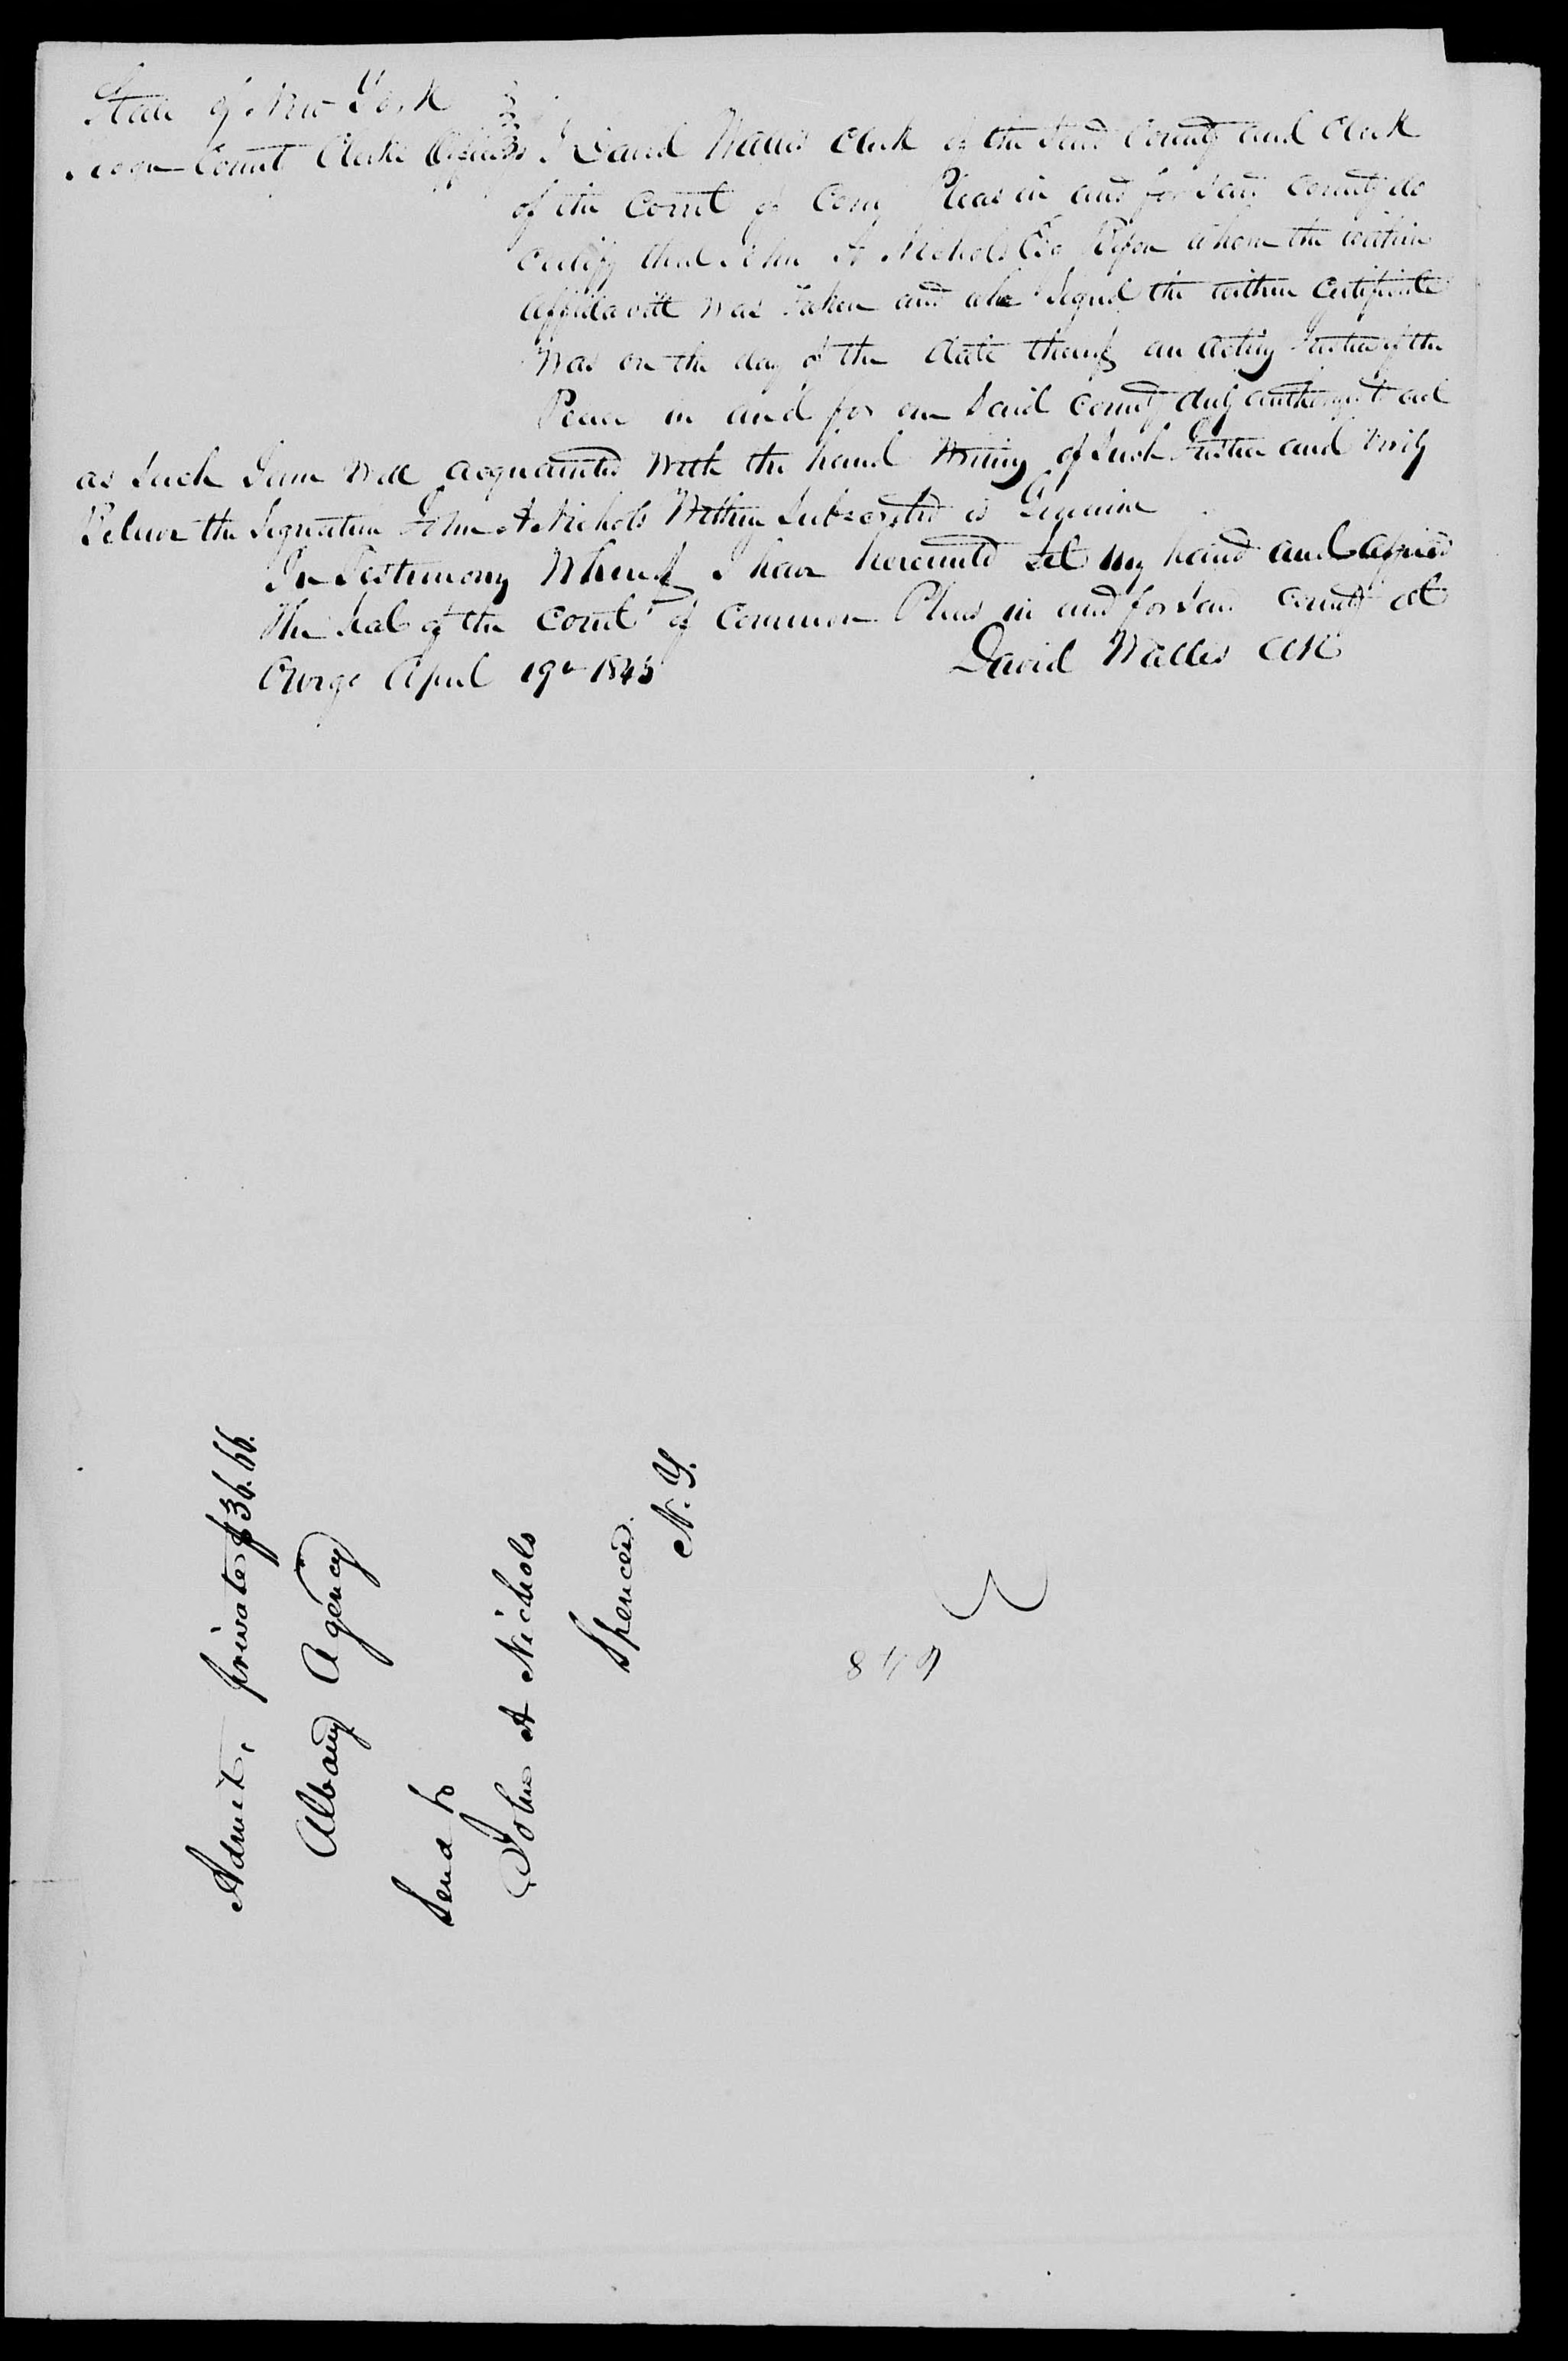State of New York
 Tioga County Clerks Office I David Willis
Clerk of the said County and Clerk
of the Court of Com Pleas in and for said County do
certify that John A Nichols before whom the within
Affidavit was taken and who signed the within certificate
was on the day of the date thereof an acting Justice of the
Peace in and for our said County duly authorised and as such well acquainted with the hand writing of such Justice and verily believe the Signature John A Nichols within Subscribed is genuine
In Testimony whereof I have hereunto set my hand and and
the Seal of the Court of Common Pleas in and for said County at Orange April 19th 1845
[signature] David Wallis Clk
 
Admitted private $36.66
Albany Agency
send to Dobus A Nichols Spencer N.Y.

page: 28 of 30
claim: widow's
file: W. 23,904, for Nathan Martin, New Hampshire